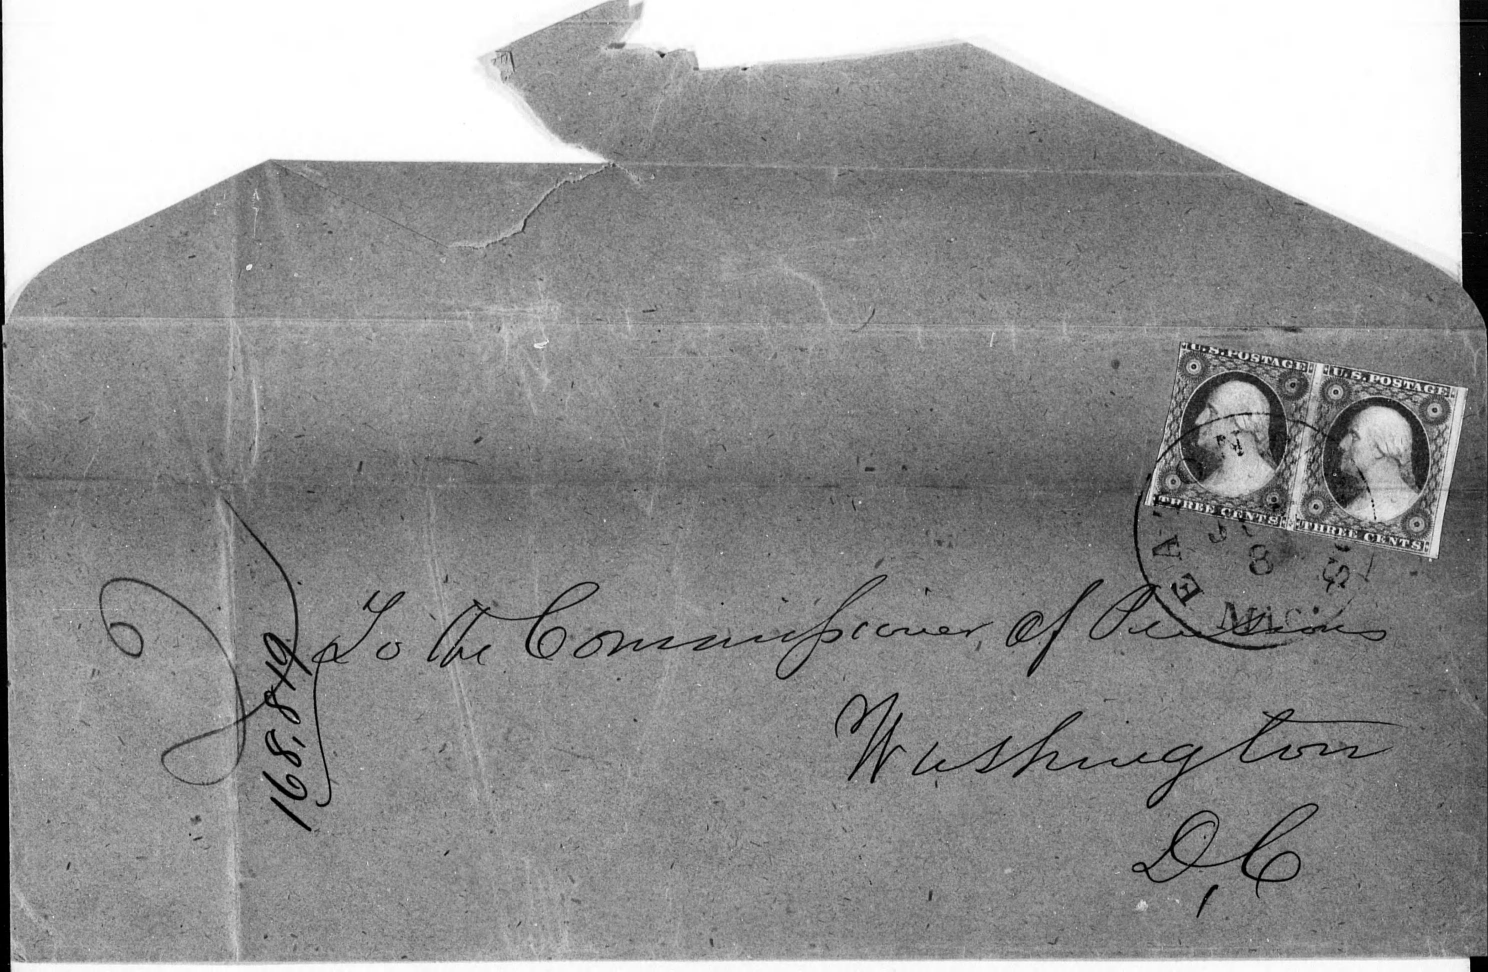To the Commissioner of Pensions
Washington
D.C.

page: 9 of 9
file: B.L.Reg 168819-1855, Jacob Annis, [BLANK]